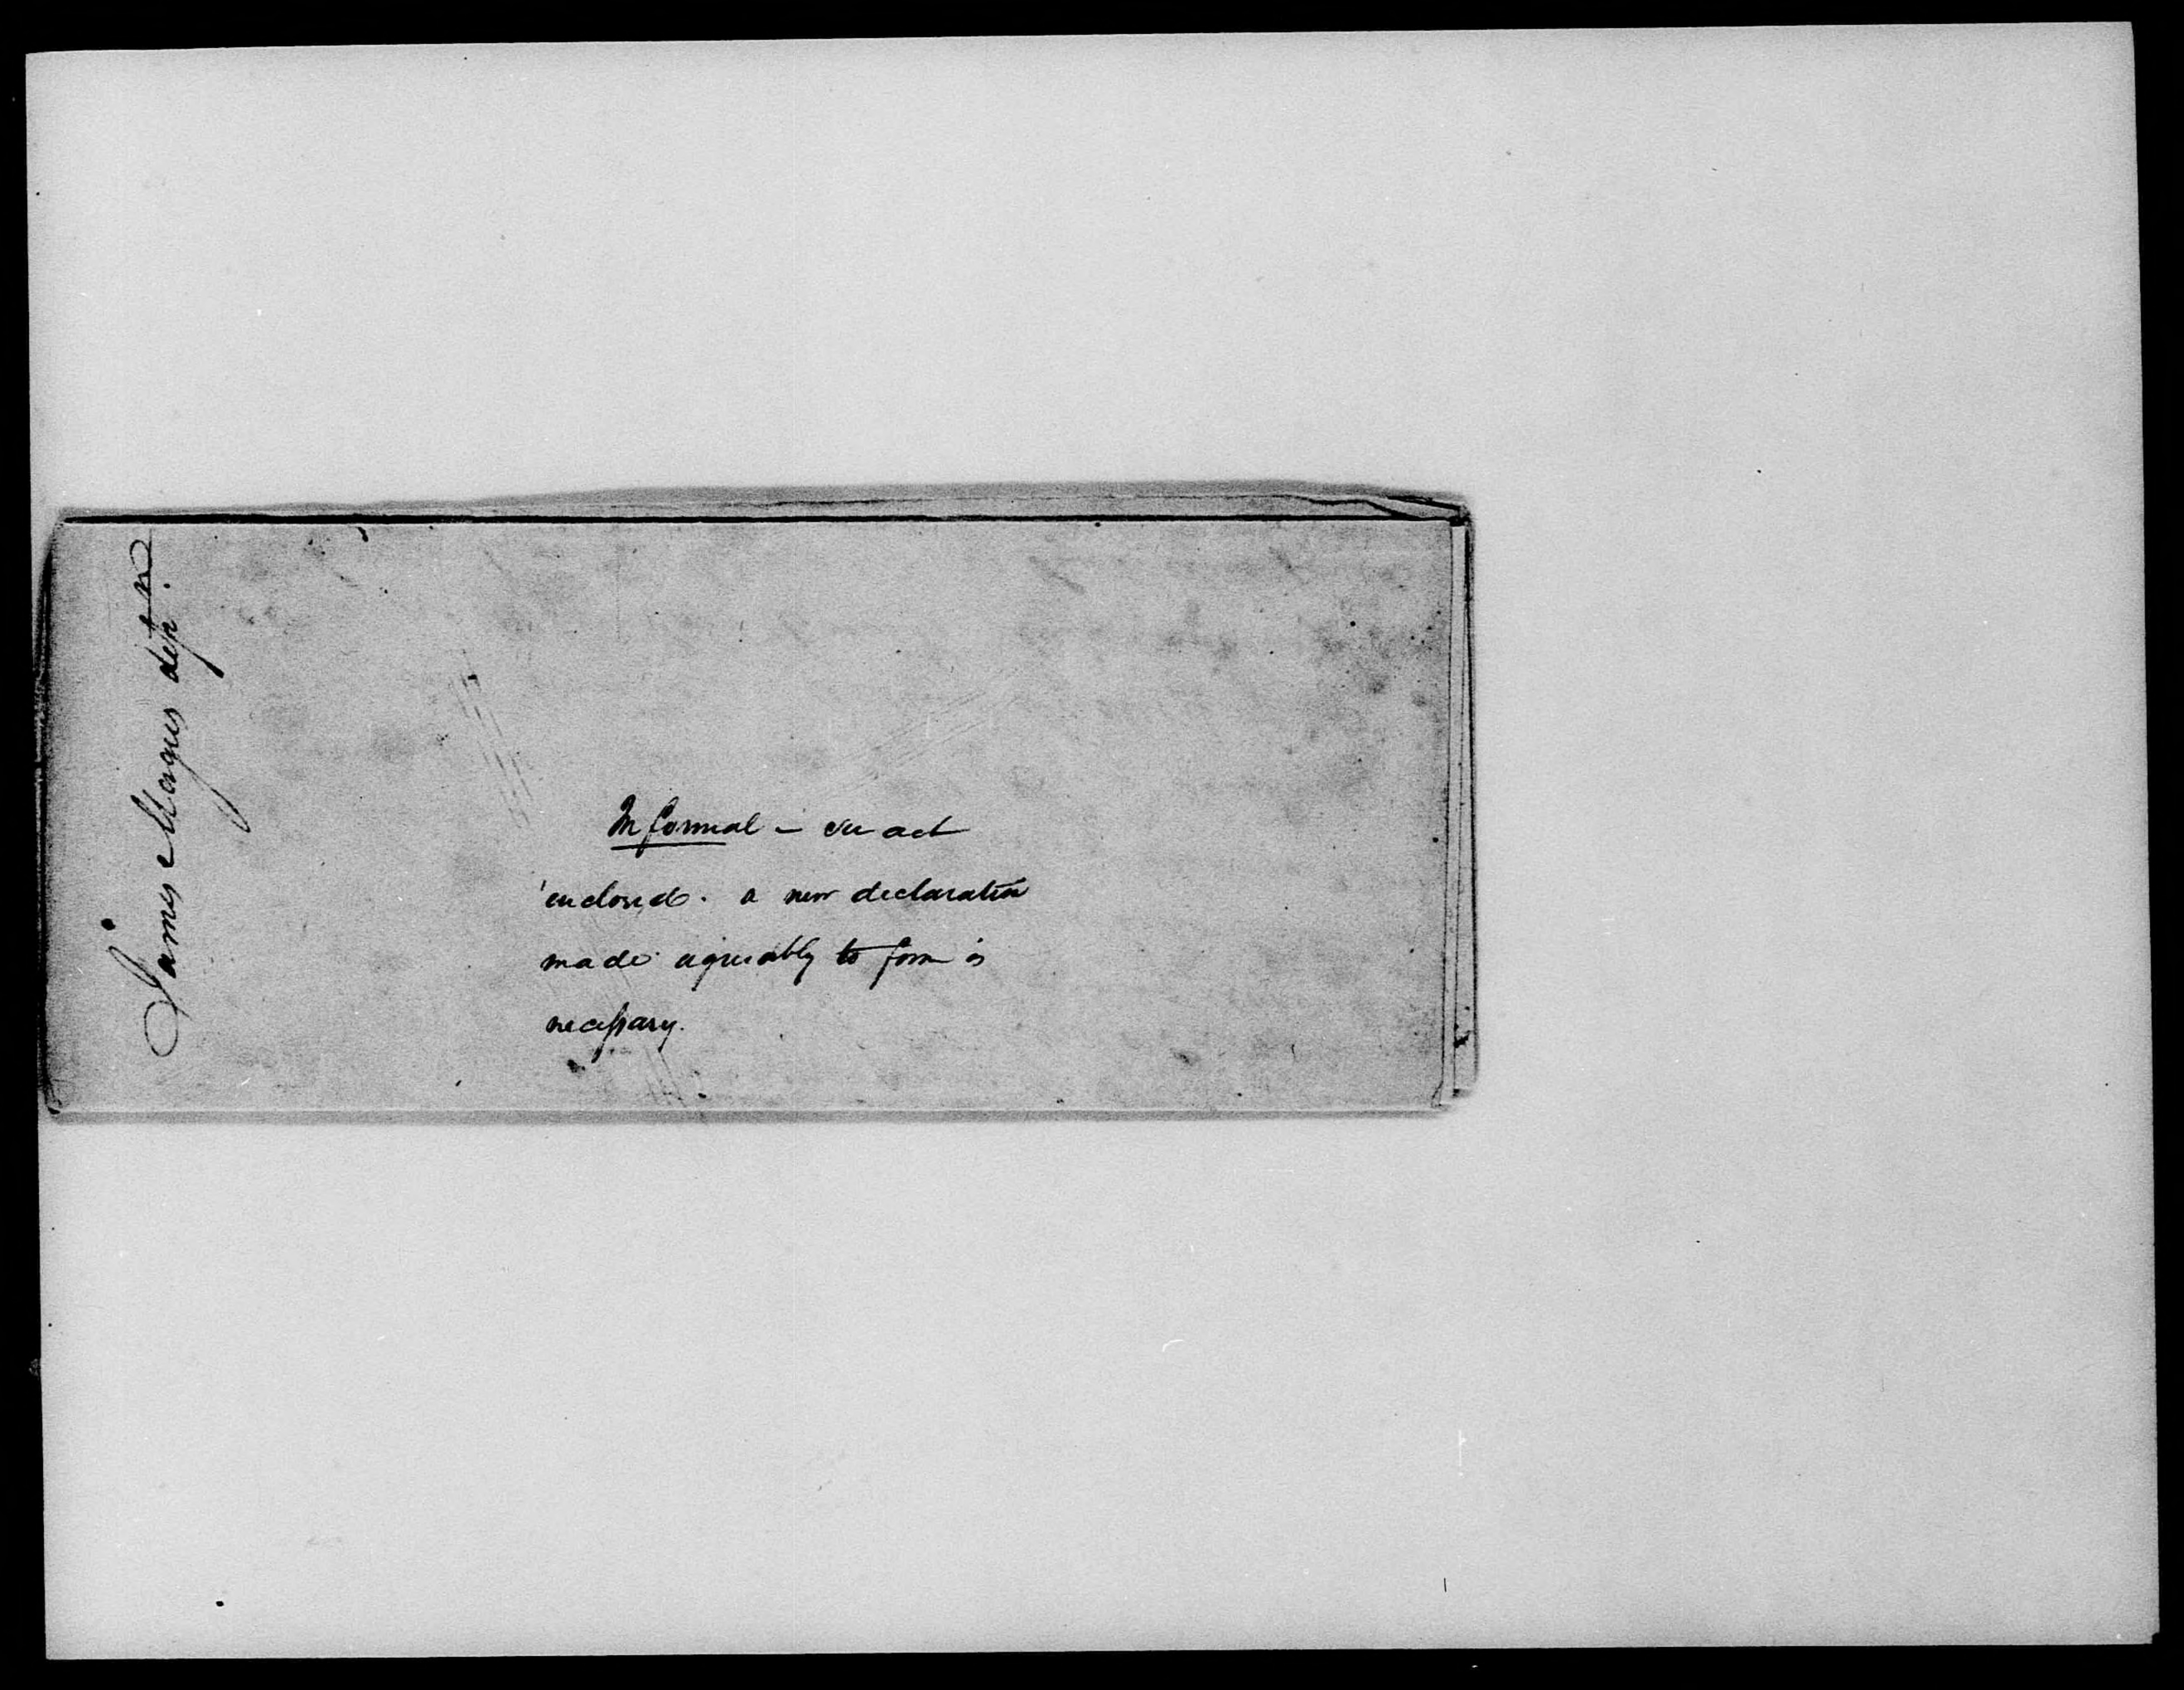Informal - see act
enclosed. a new declaration
made agreeably to form is
necessary

(vertical)

James McGee depn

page: 12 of 77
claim: widow's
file: W 2954, for James Mc Gee, Delaware